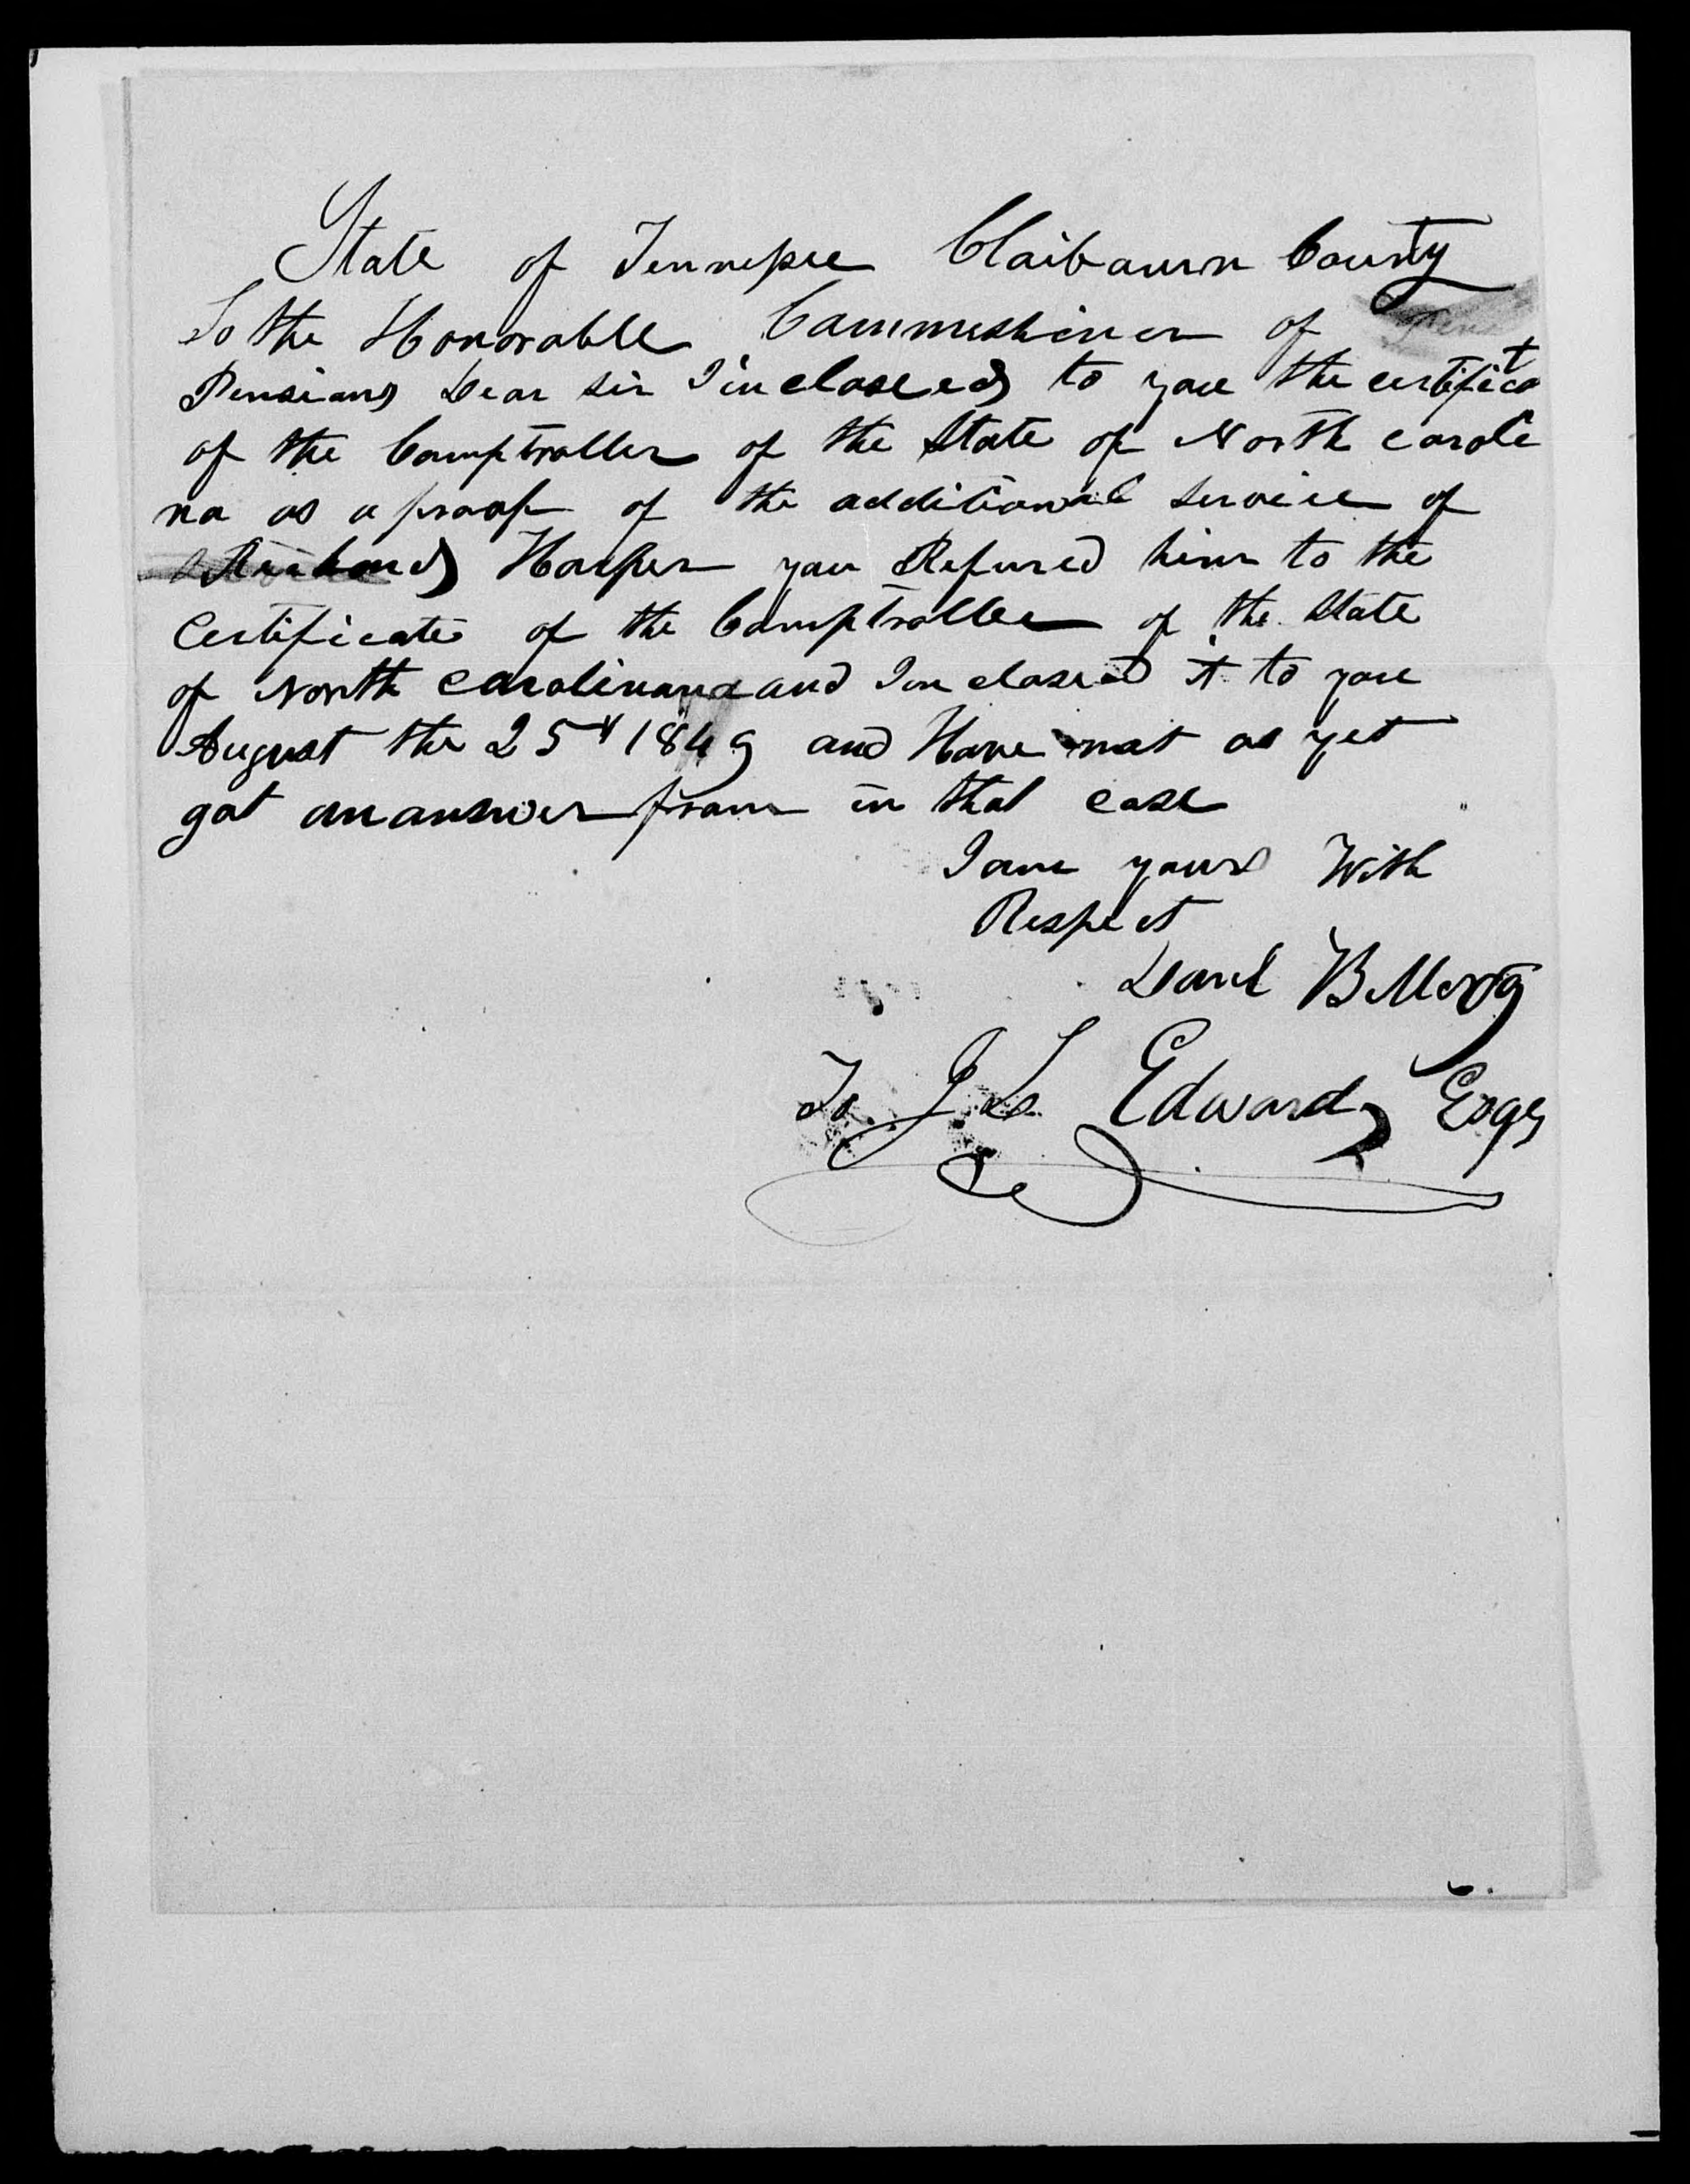State of Tennessee Claiborne County
To the Honorable Commissioner of Pensions Dear Sir I inclosed to you the certificate of the Comptroller of the state of North Carolina as a proof of the additional service of Richard Harper you Referred him to the Certificate of the Comptroller of the State of North Carolina and I enclosed it to you August the 25th 1849 and Have not as yet got an answer from in that case

I am yours With 
Respect
Danl B McVey
To J.L. Edwards, Esq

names: Richard Harper, Danl B Mc Vay, J L Edwards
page: 37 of 81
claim: survivor's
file: S. 1908, Richard Harper, N.C.